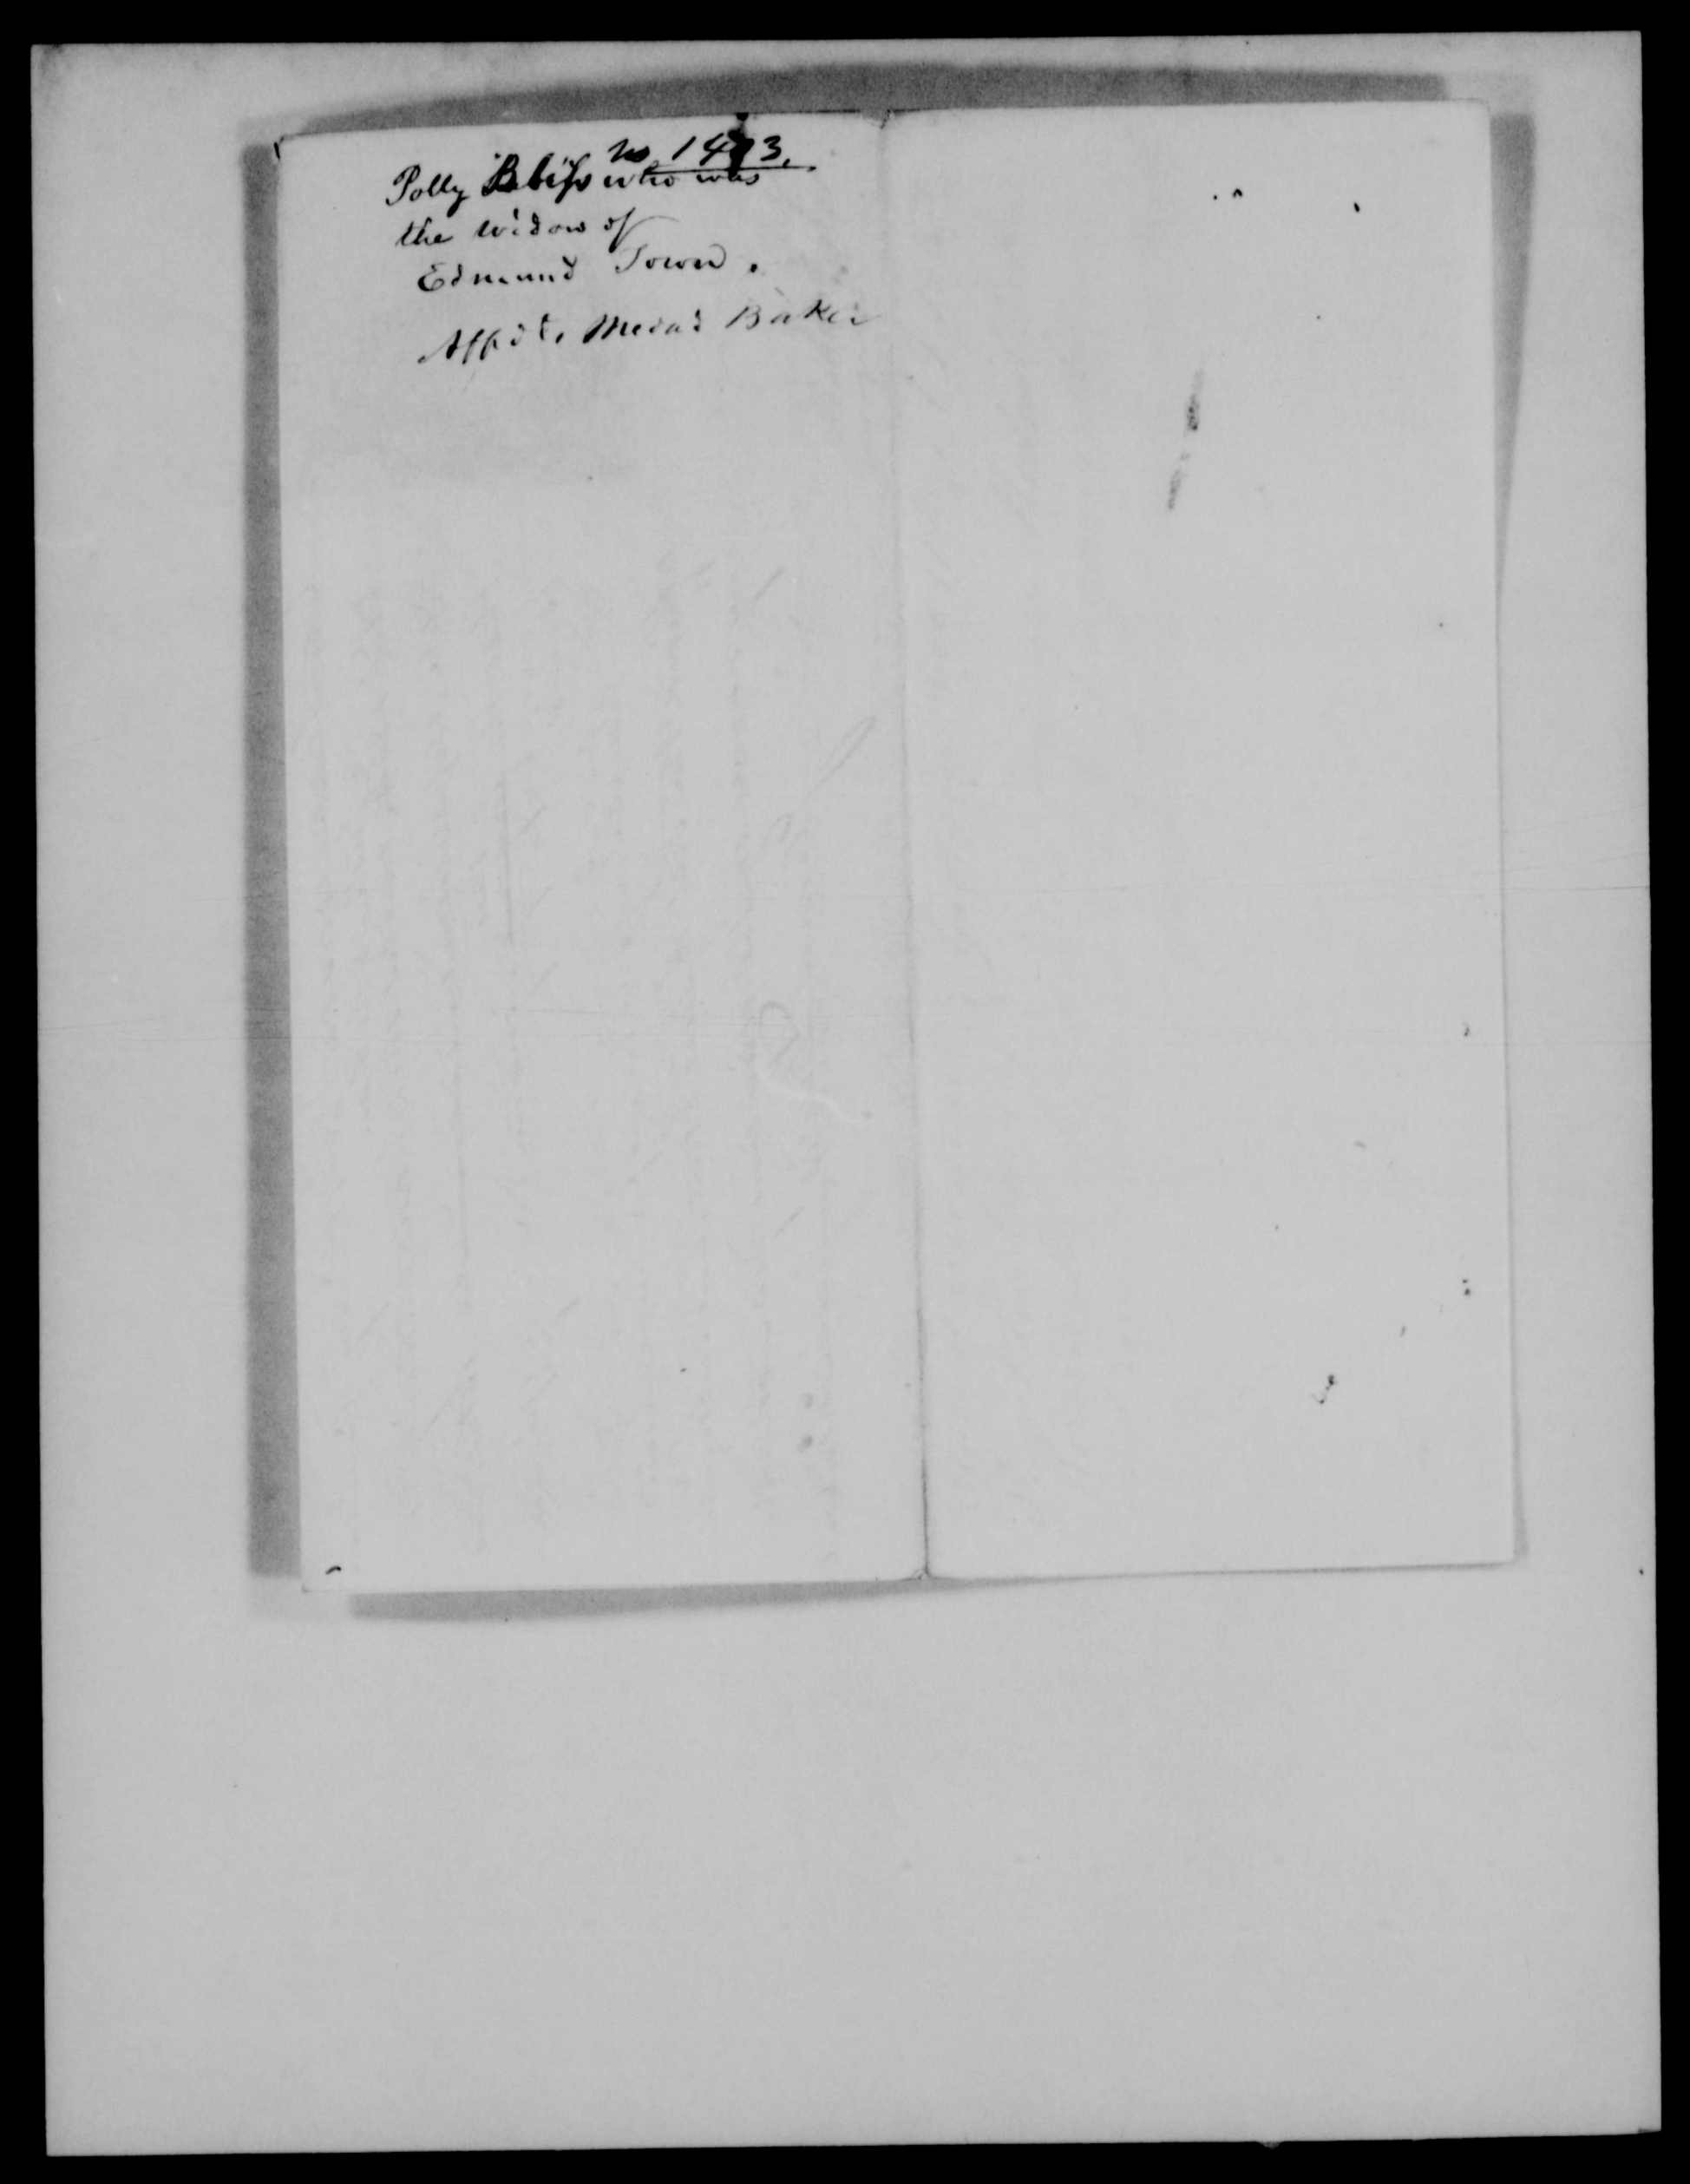Polly Bliss 
No 1493
the widow of Edmund Town
Affidts. Medad Baker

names: Edmund Town, Polly Bliss, Medad Baker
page: 44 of 64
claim: widow's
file: W. 5831, Edmund Town, Mass.